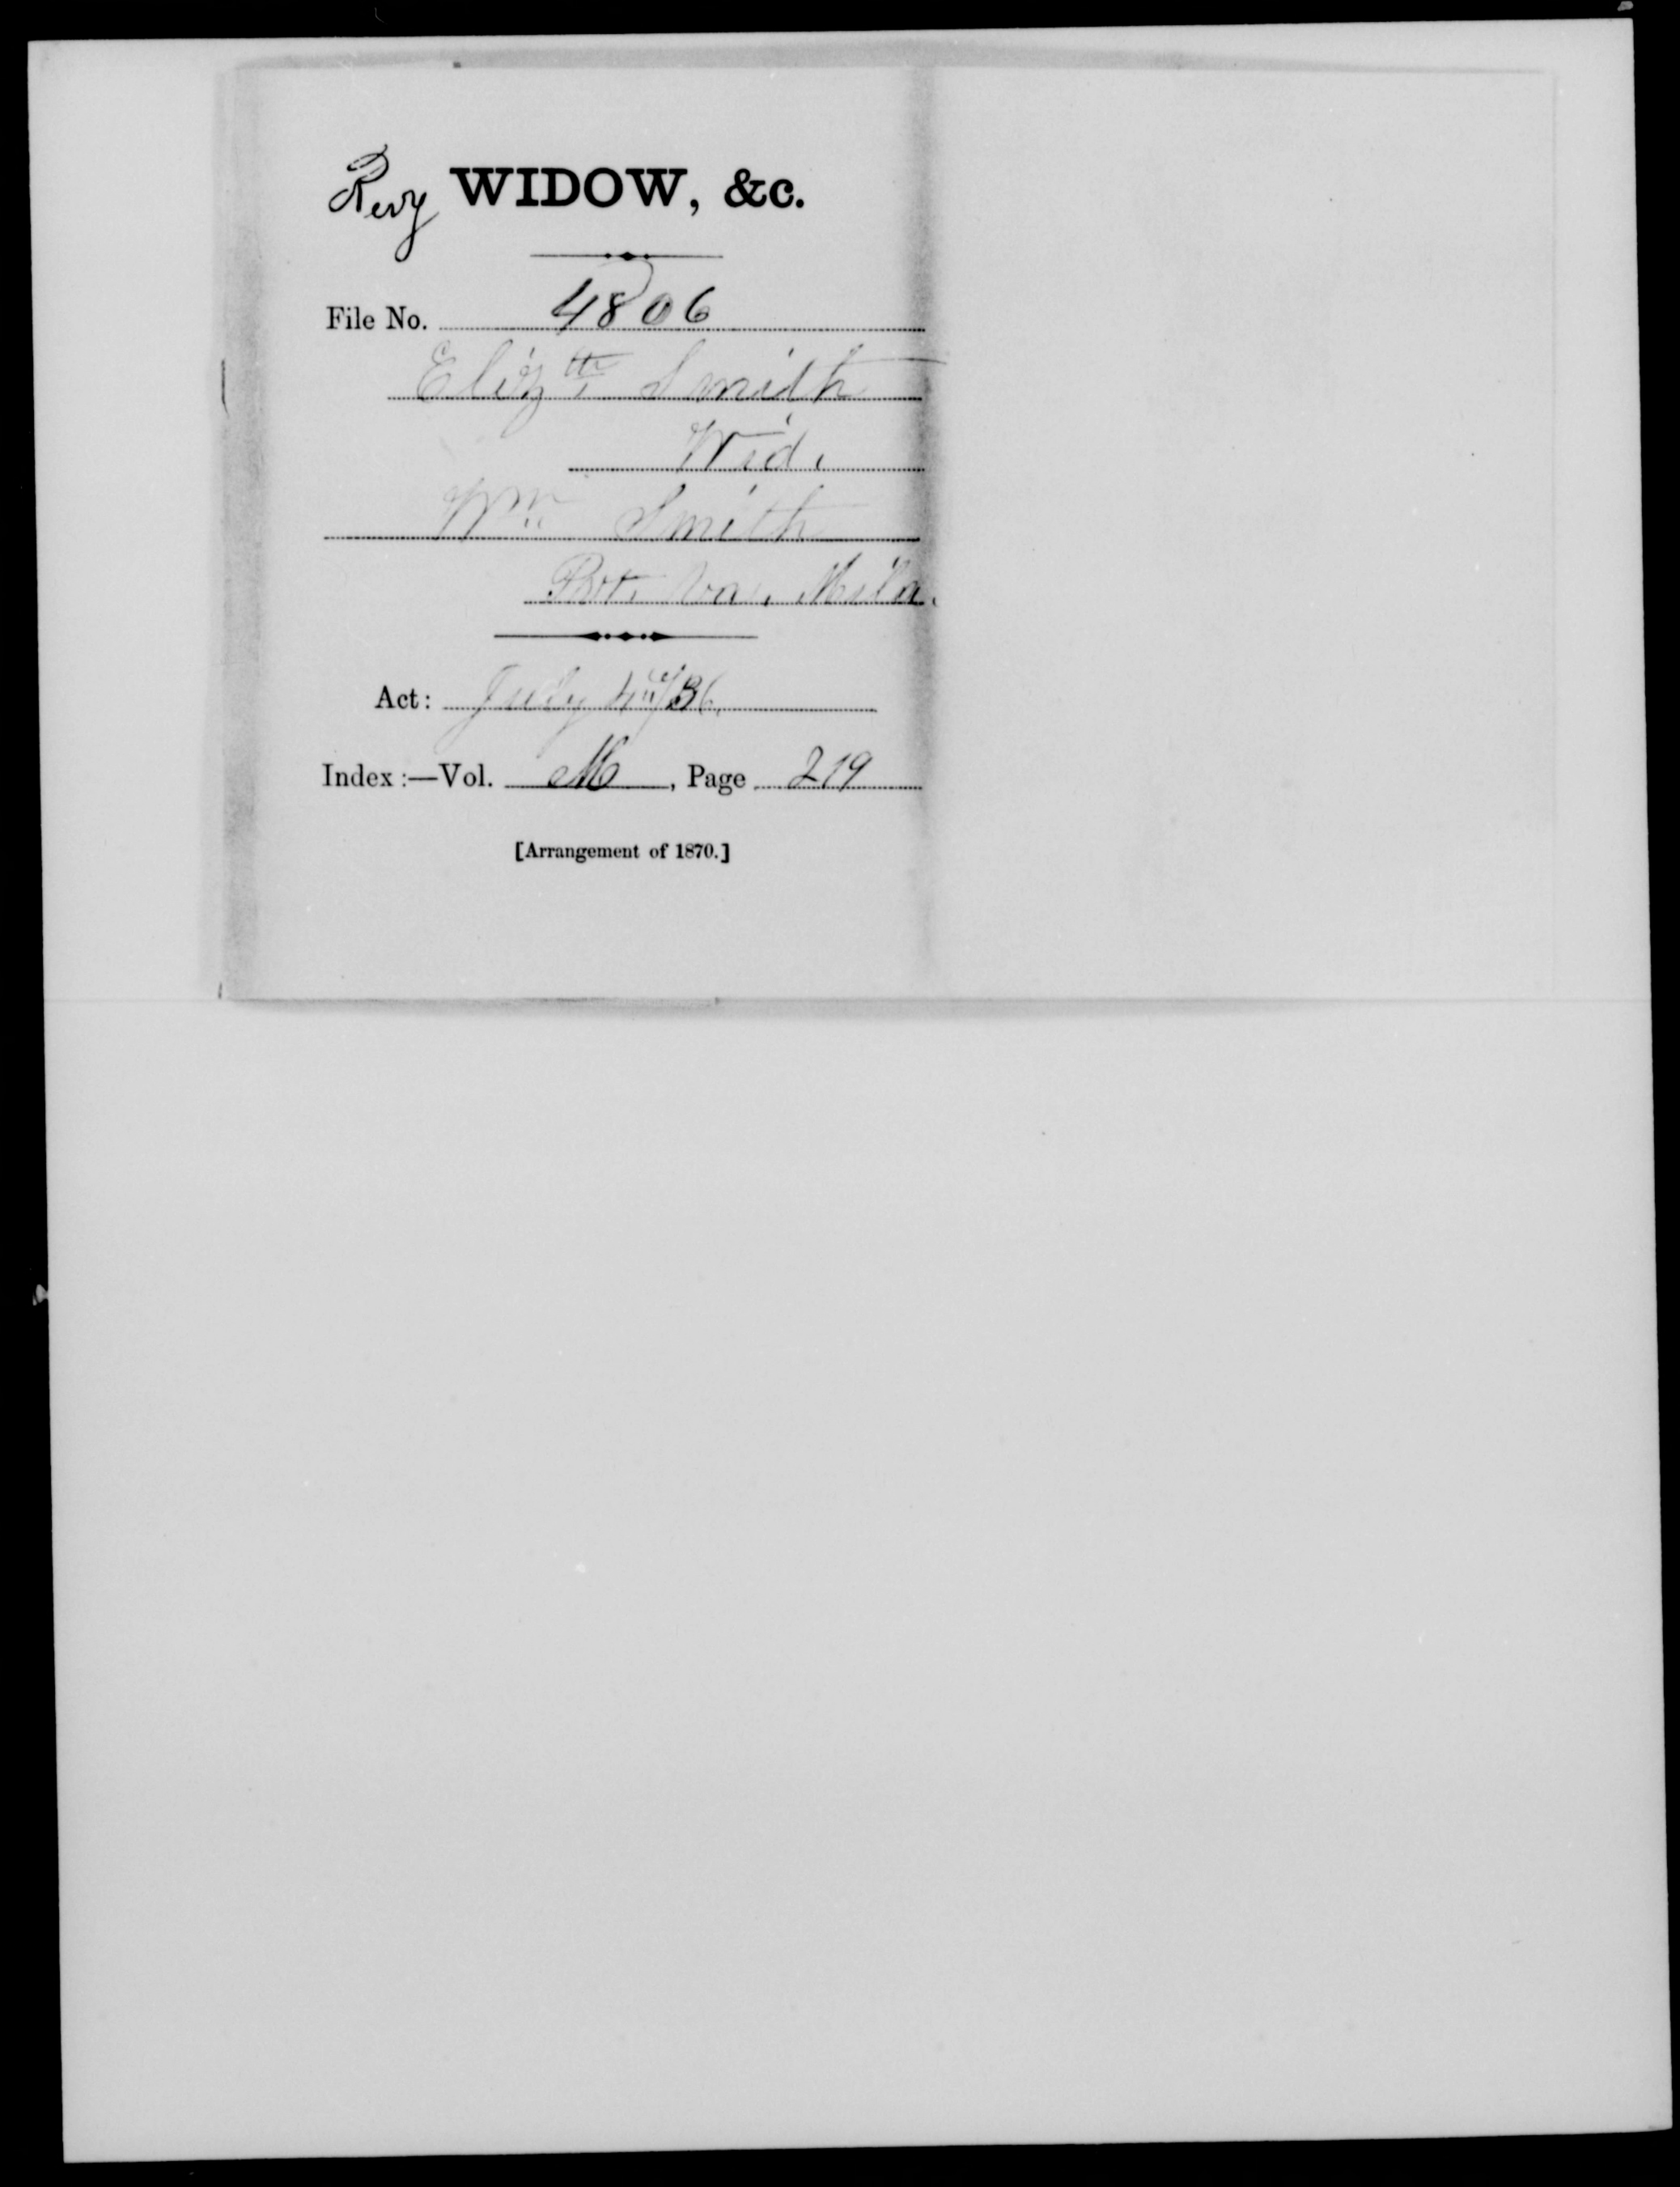Revy WIDOW, &c.
File No. 4806
Elizth. Smith
Wid.
Wm. Smith
Pvt. Va. Mila.
Act: July 4"/36.
Index:-Vol. M, Page 219
[Arrangement of 1870.]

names: Wm Smith; Elizth Smith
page: 13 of 22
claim: widow's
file: W. 4,806, for William Smith, Virginia